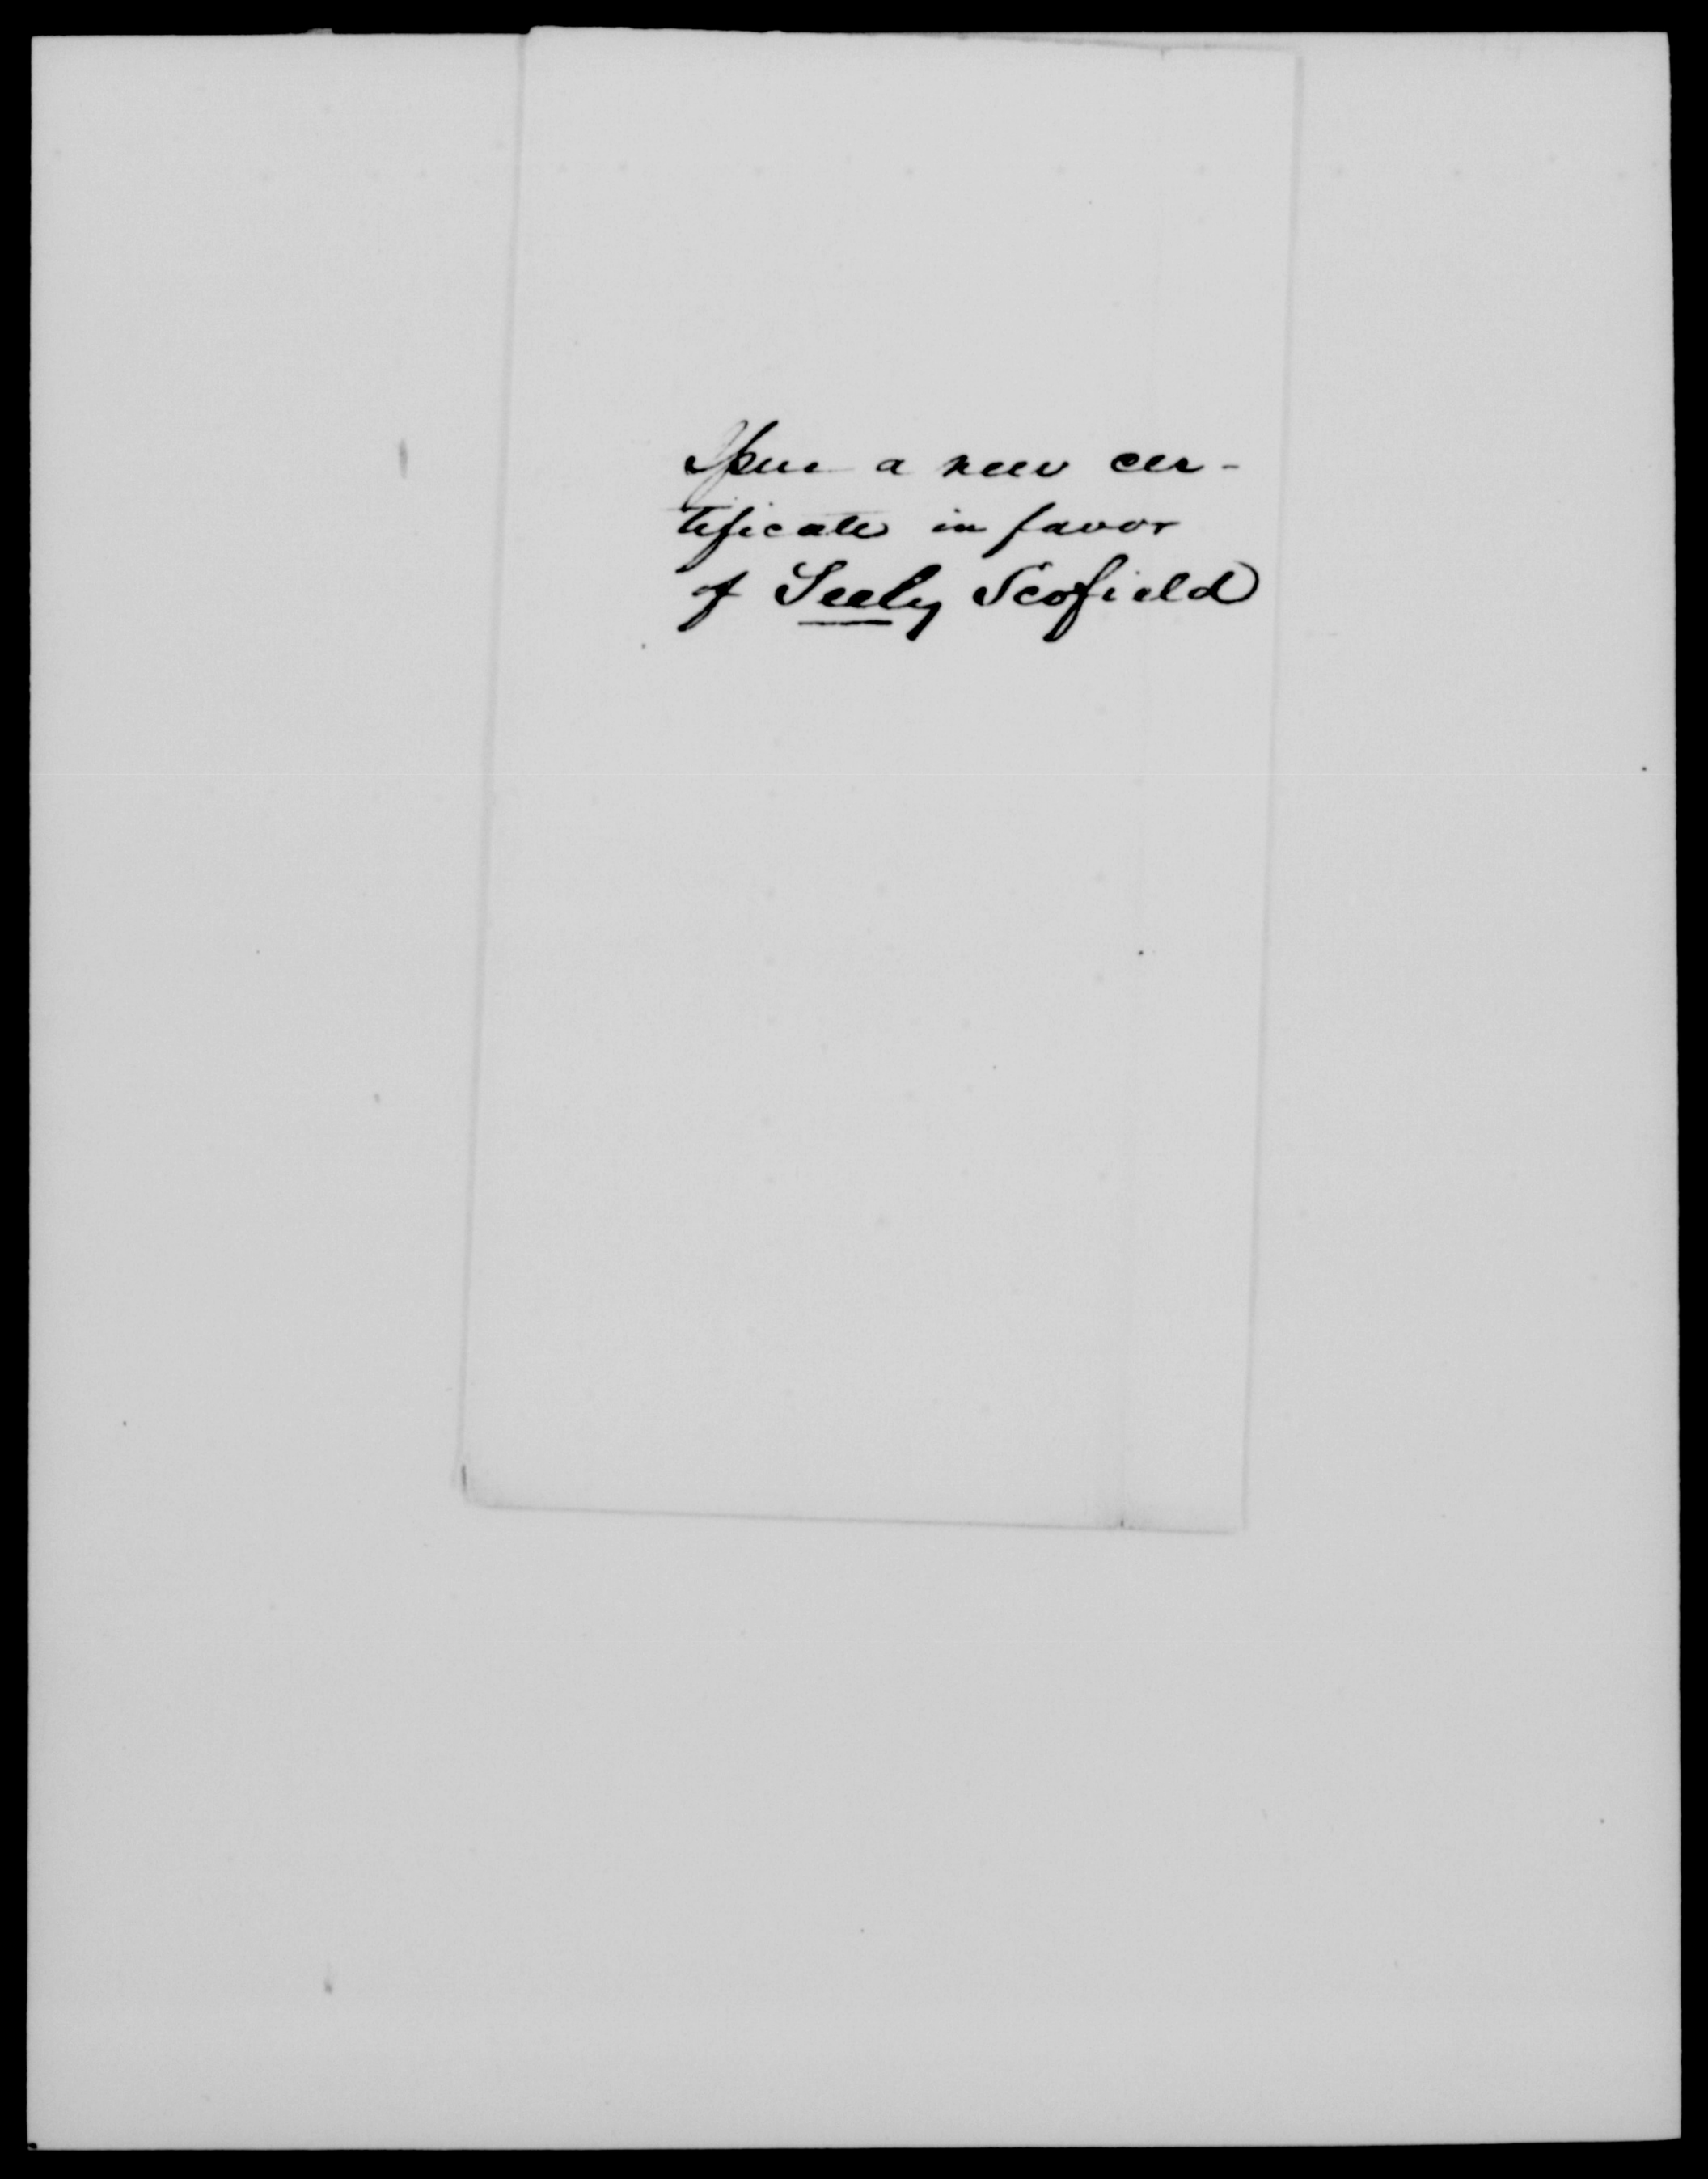Issue a new certificate in favor
of Seely Scofield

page: 28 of 36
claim: survivor's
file: S. 10,004, for Seely Scofield, Connecticut